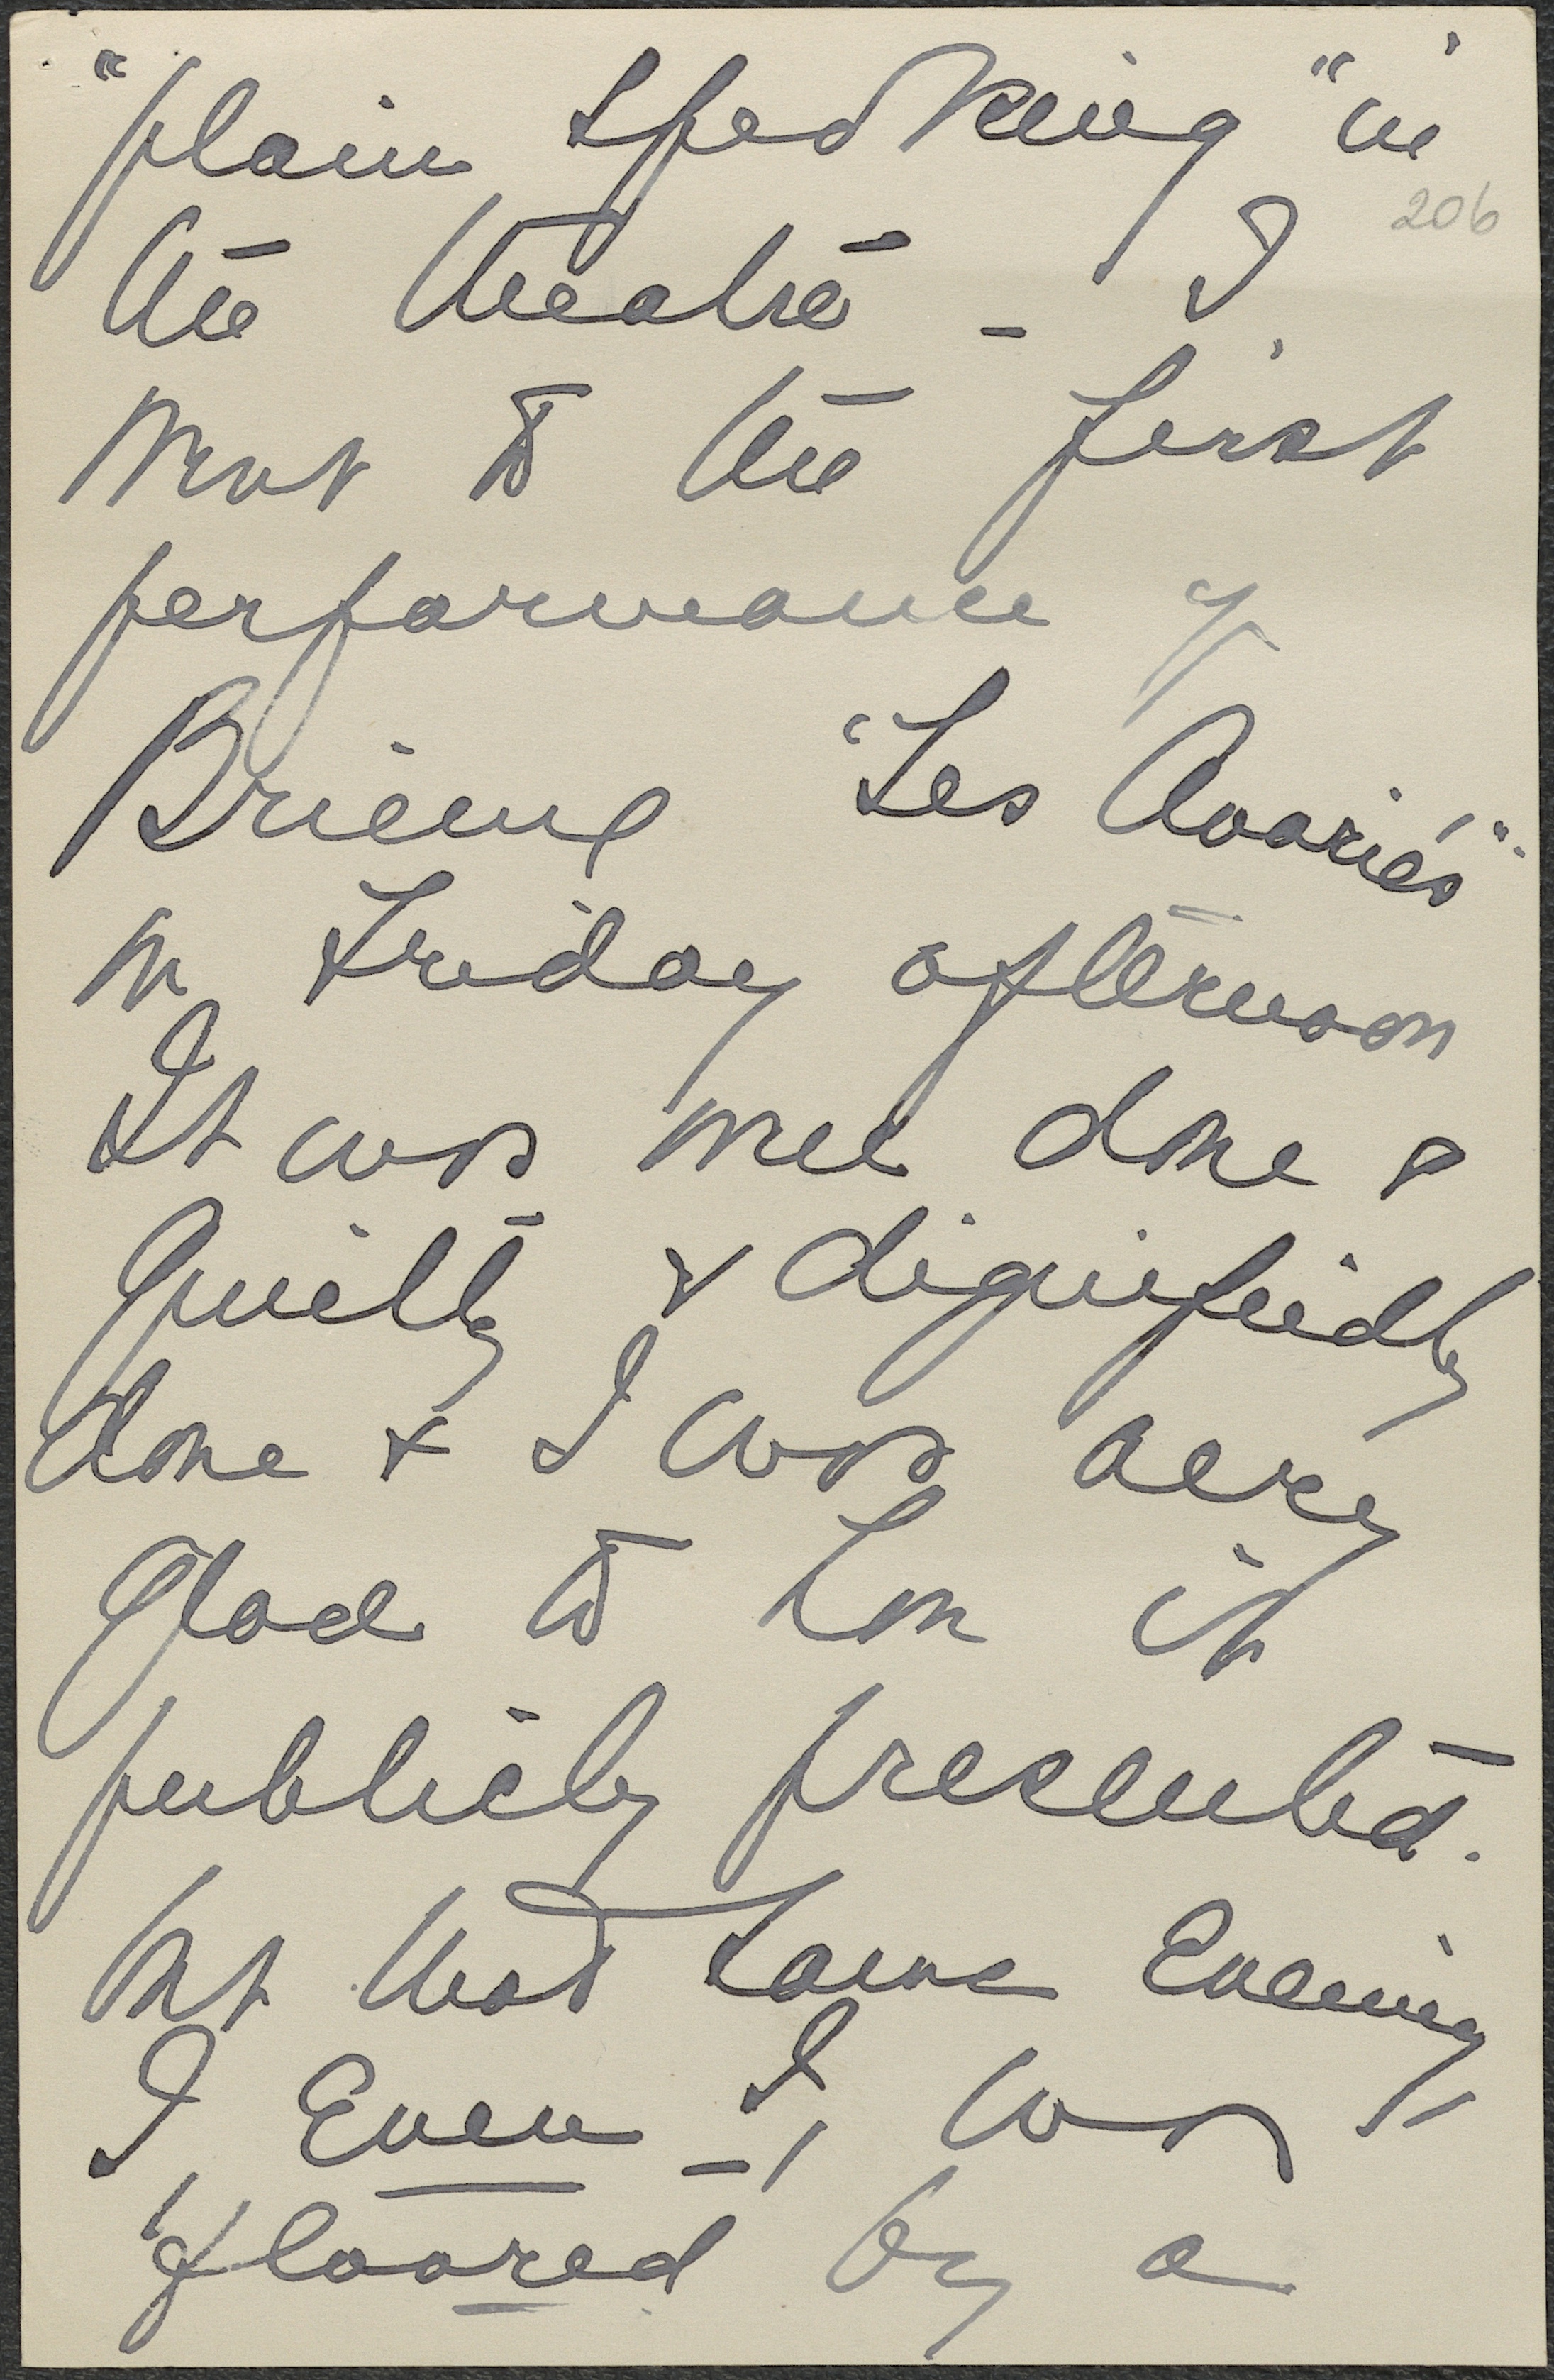“plain speaking” in the theatre – I went to the first performance of Brieux “Les Avaries” on Friday afternoon It was well done & quietly & dignifiedly done & I was very glad to have it publicly presented but that same evening, I, even I, was floored by a